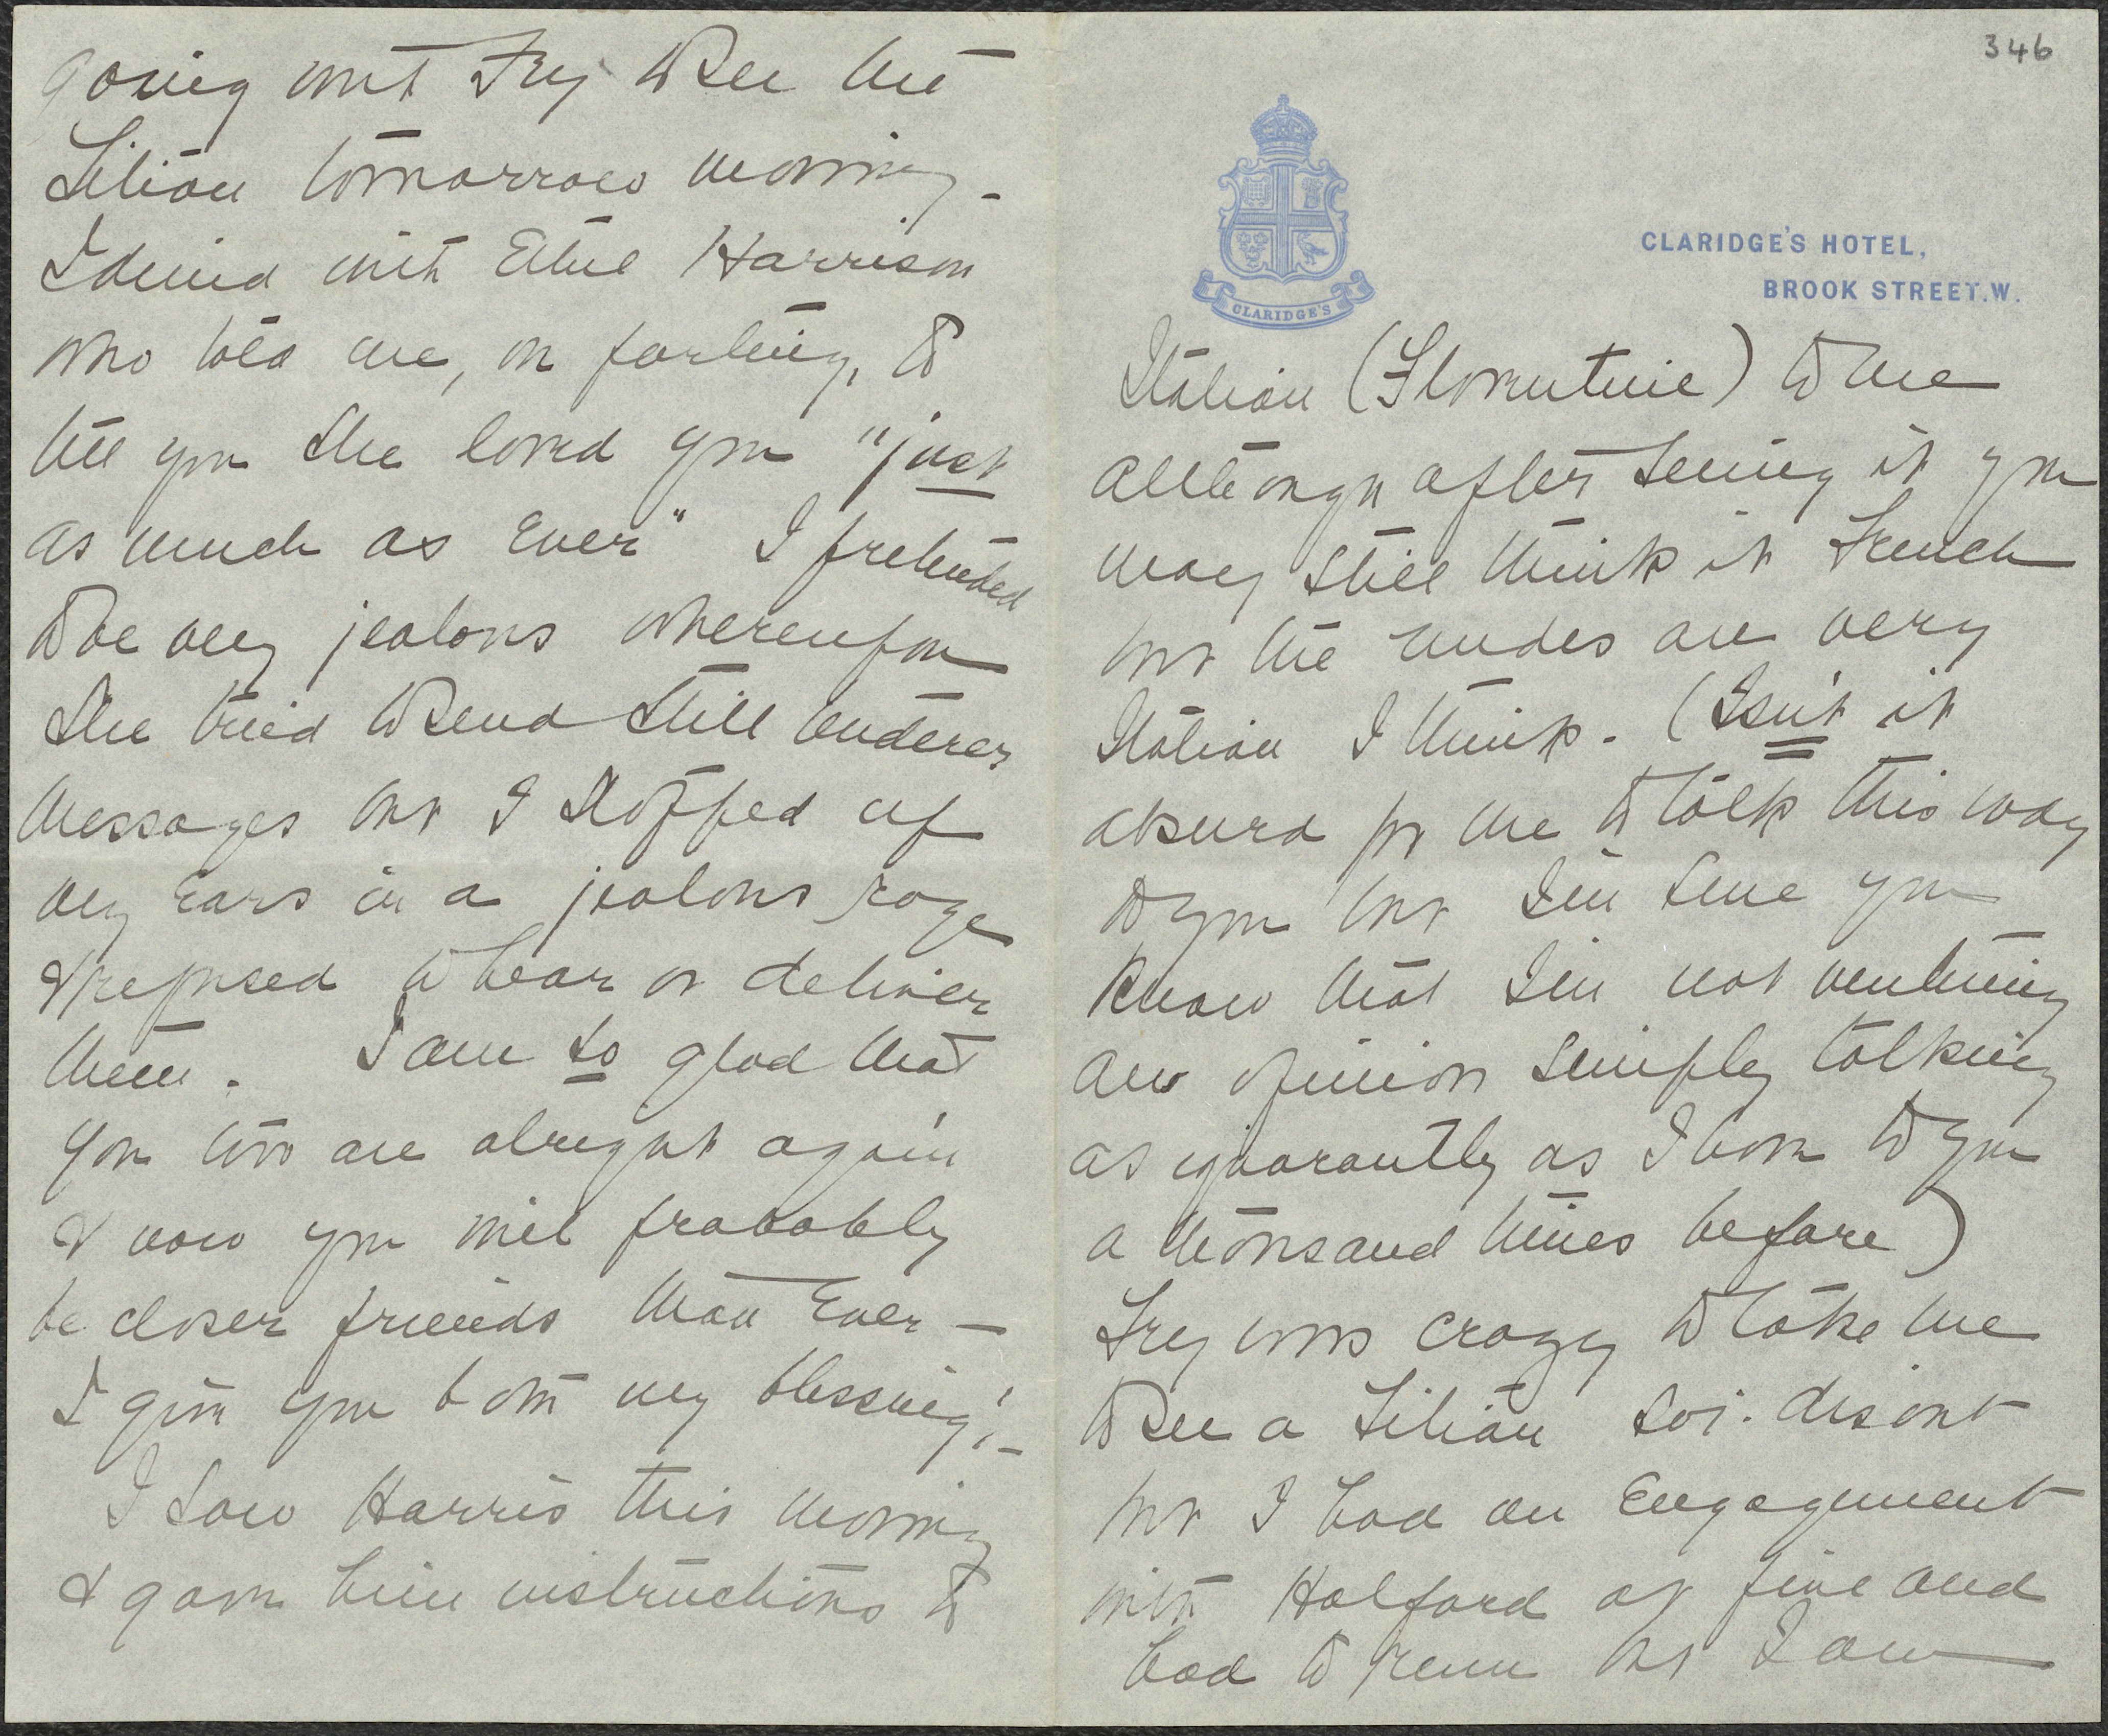Italian (Florentine) to me although after seeing it you may still think it French but the nudes are very Italian I think. ([double underlined: Isn’t] it absurd for me to talk this way to you but I’m sure you know that I’m not venturing an opinion simply talking as ignorantly as I have to you a thousand time before)
Fry was crazy to take me to see a Titian soi-disant but I had an engagement with Holford at five and had to run but I am
going with Fry to see the Titian tomorrow morning – I dined with Ethel Harrison who told me, on parting, to tell you she loved you “just as much as ever” I pretended to be very jealous whereupon she tried to send still tenderer messages but I stopped up my ears in a jealous rage & refused to hear or deliver them. I am so glad that you two are alright again & now you will probably be closer friends than ever – I give you both my blessing! –
I saw Harris this morning & gave him instructions to